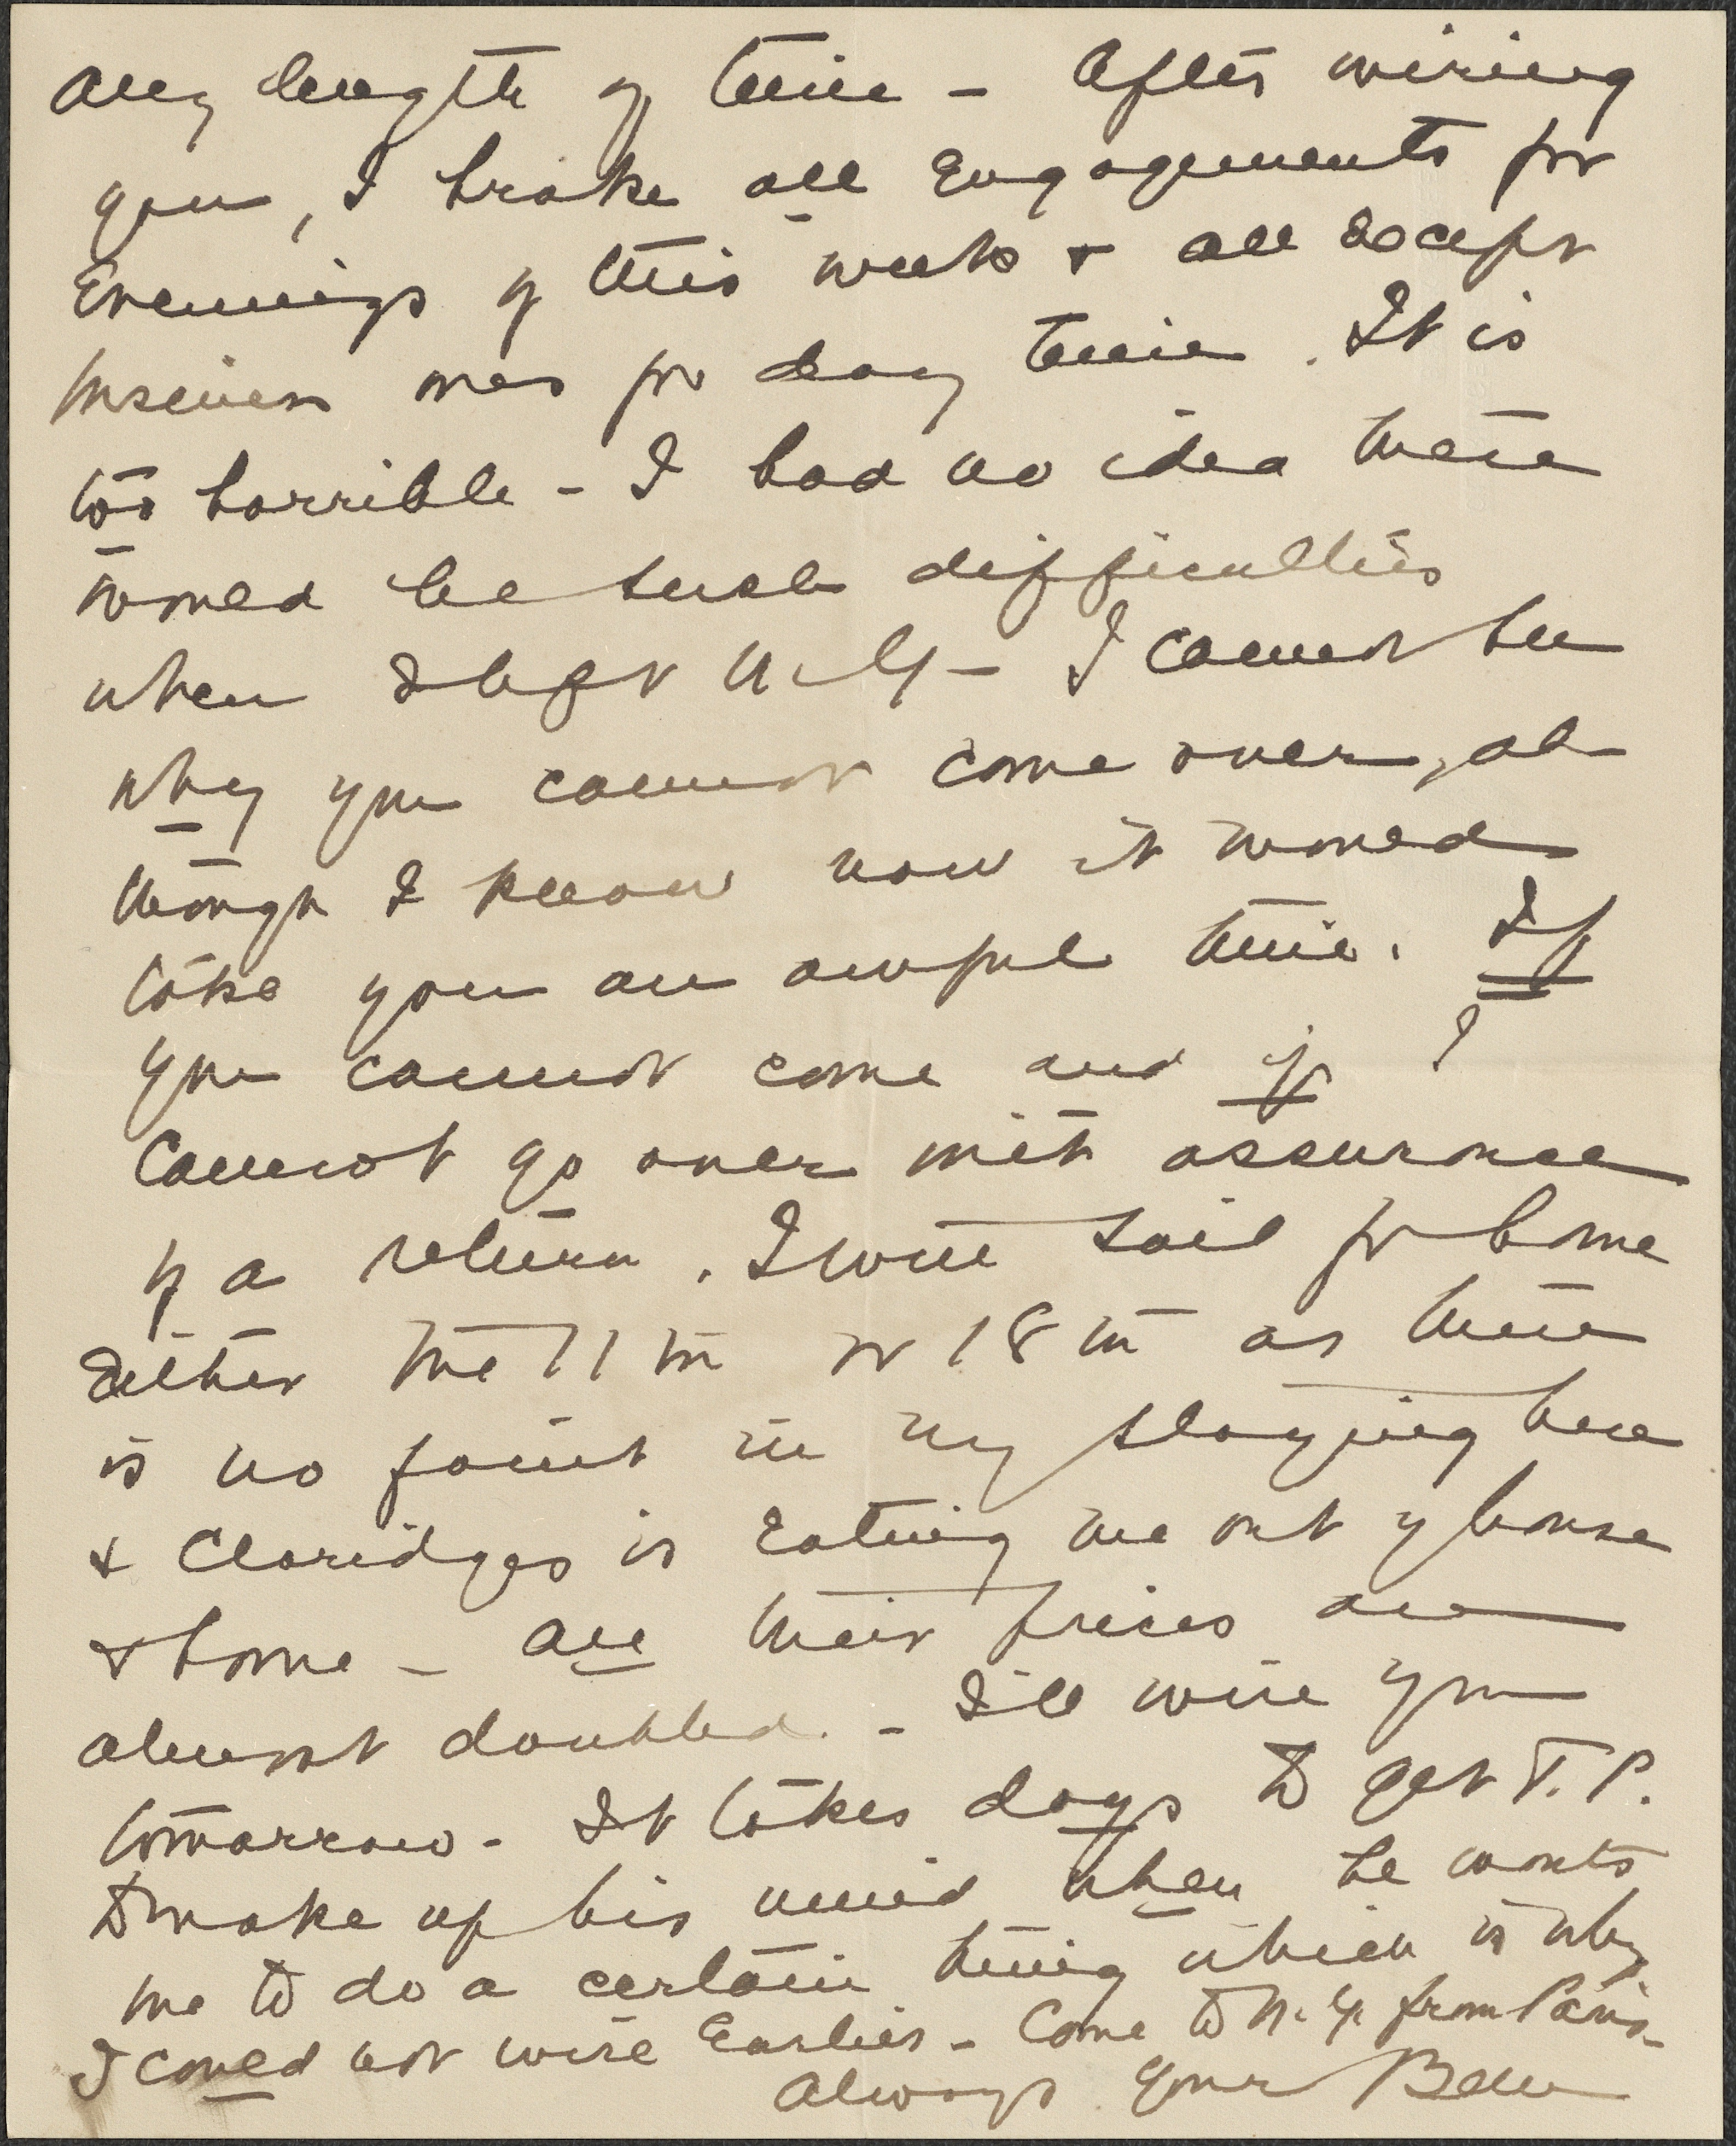any length of time – after wiring you, I broke all engagements for evenings of this week & all except business ones for day time. It is too horrible – I had no idea there would be such difficulties when I left NY – I cannot see why you cannot come over, although I know now it would take you an awful time. [double underlined: If] you cannot come and if I cannot go over with assurance of a return, I will sail for home either the 11th or 18th as there is no point in my staying here & Claridges is eating me out of house & home – all their prices are almost doubled – I’ll wire you tomorrow – It takes days to get J.P. to make up his mind when he wants me to do a certain thing which is why I could not wire earlier – come to N.Y. from Paris – Always your Belle